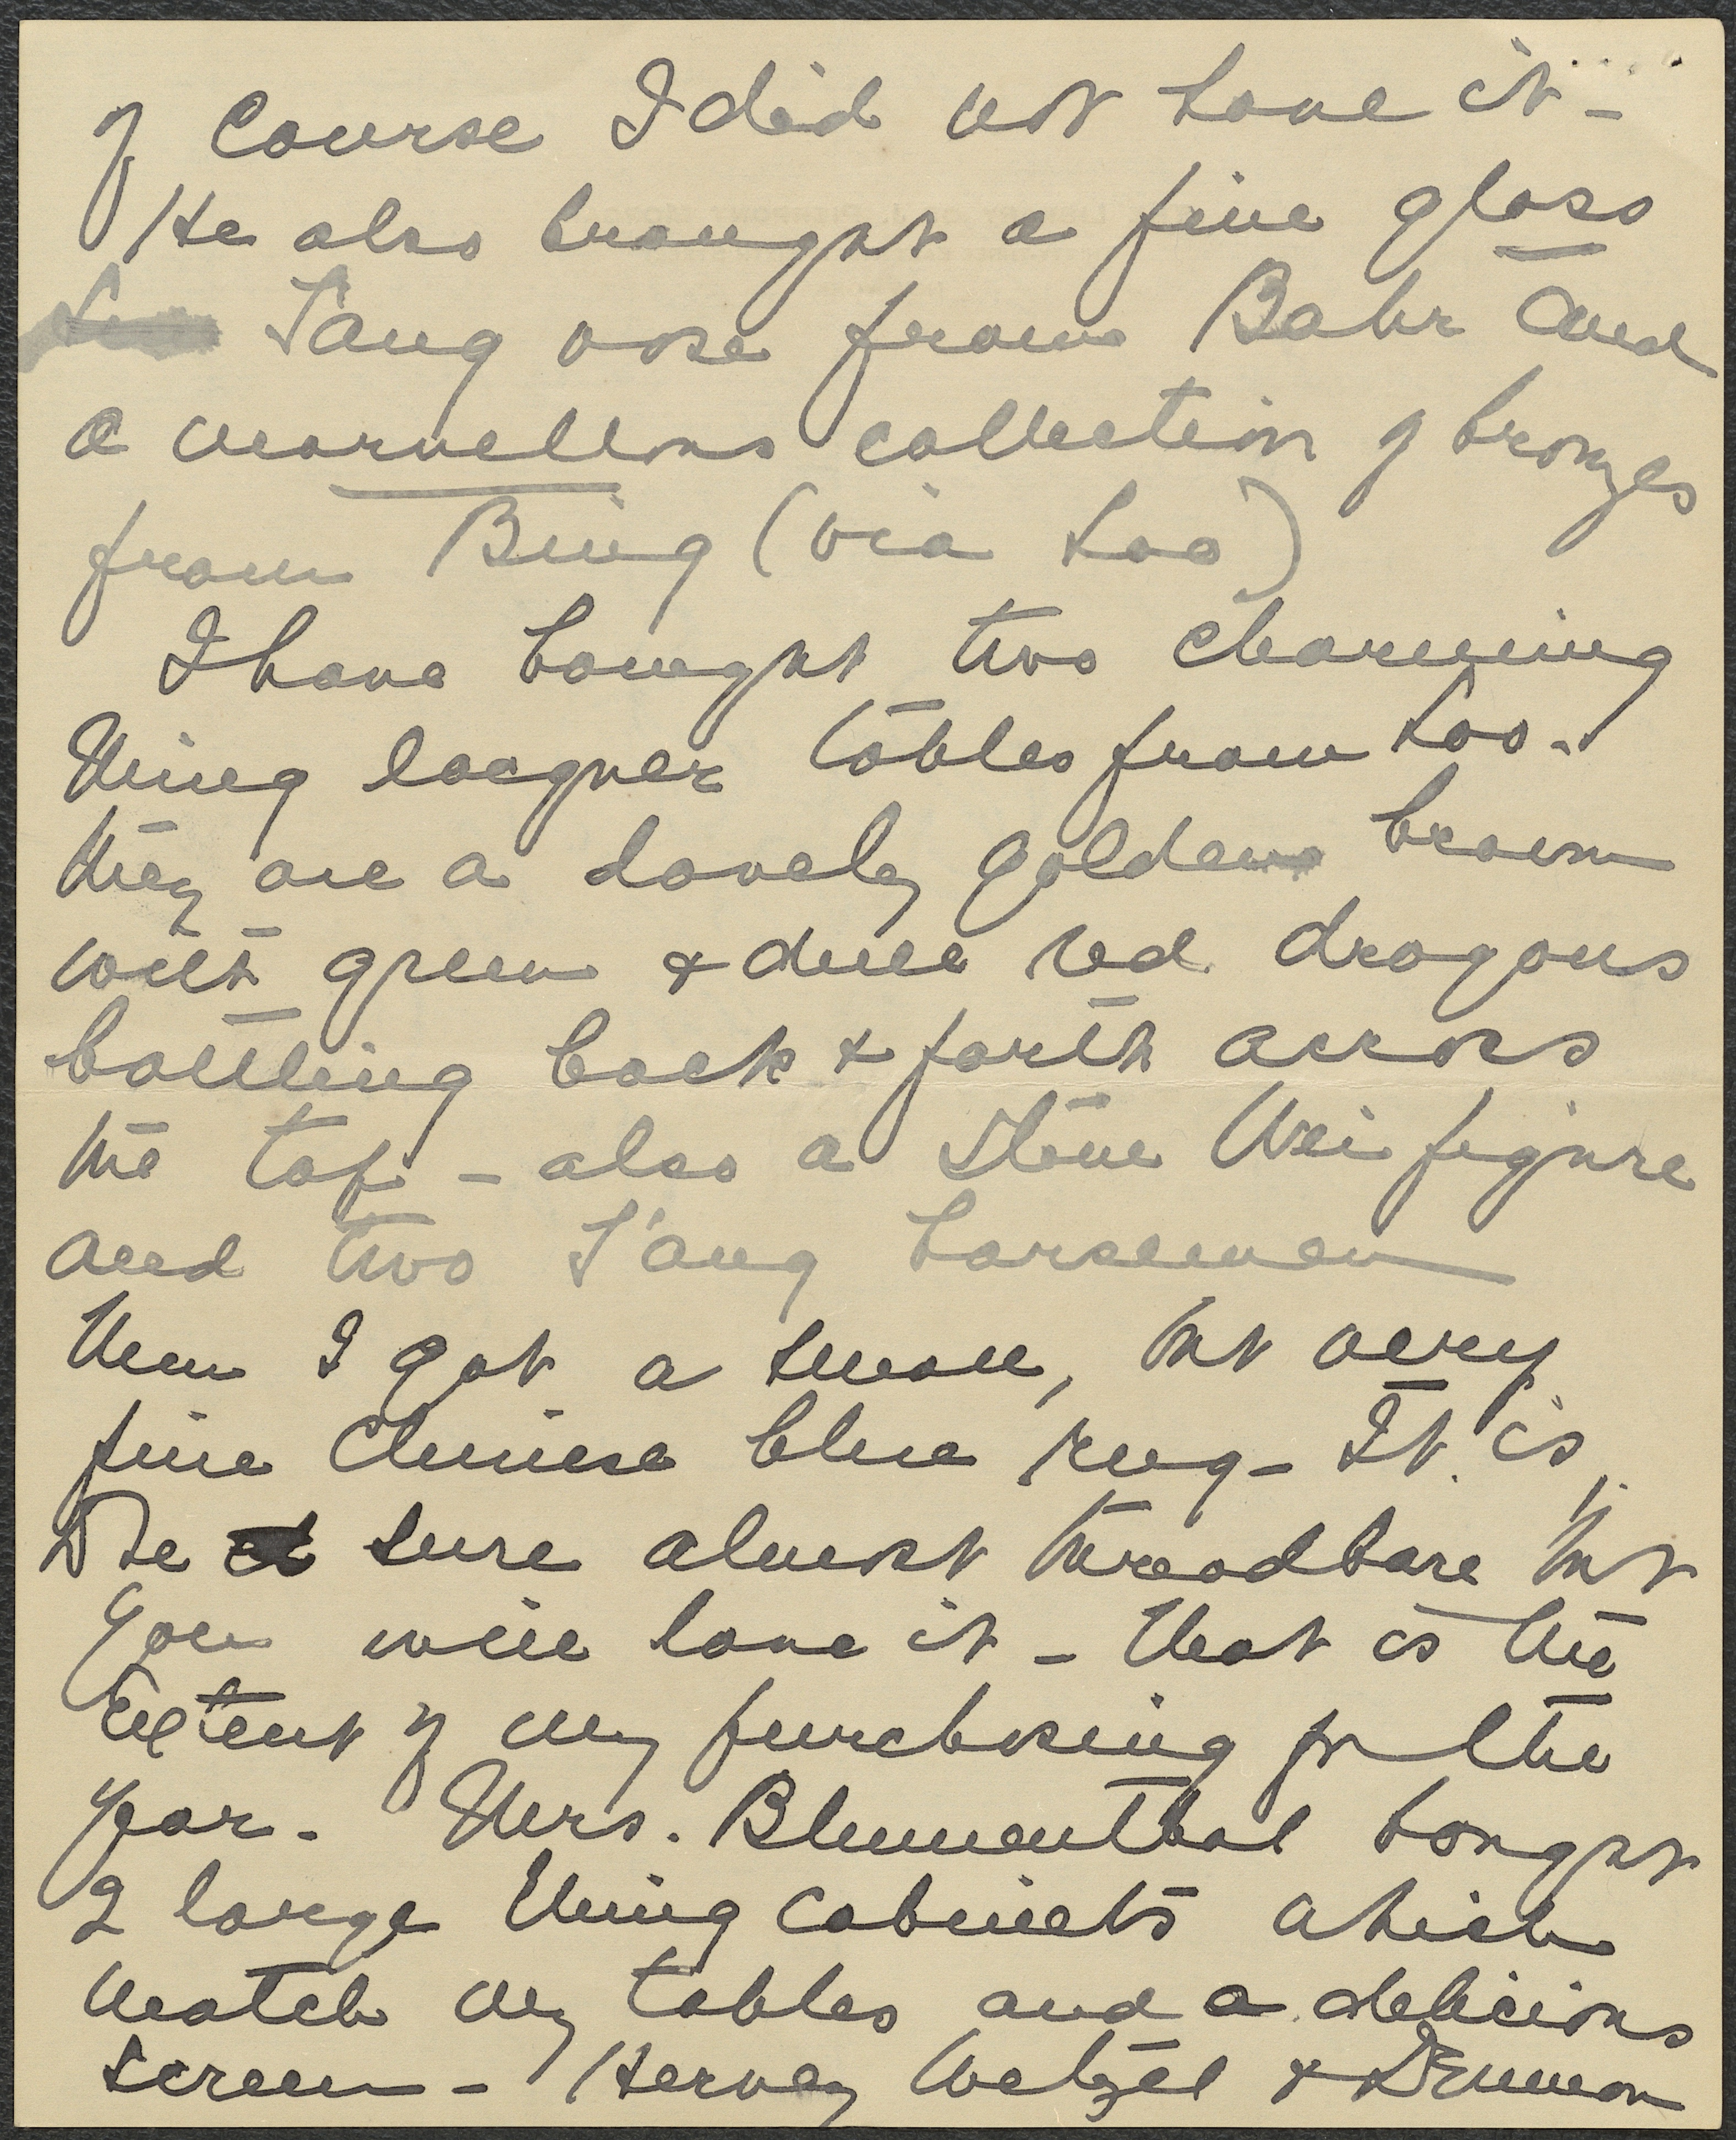of course I did not have it – He also brought a fine glass Sun Tang vase from Bahr and a marvellous collection of bronzes from Bing (via Loo)
I have bought two charming Ming lacquer tables from Loo. They are a lovely golden brown with green & dull red dragons battling back & forth across the top – also a Stone Wei figure and two T'ang barservers
Then I got a small, but very fine Chinese blue rug – It is to be d sure almost threadbare but you will love it – that is the extent of my purchasing for the year. Mrs. Blumenthal bought 2 large Ming cabinets which match my tables and a delicious screen – Hervey Wetzel & Duveen